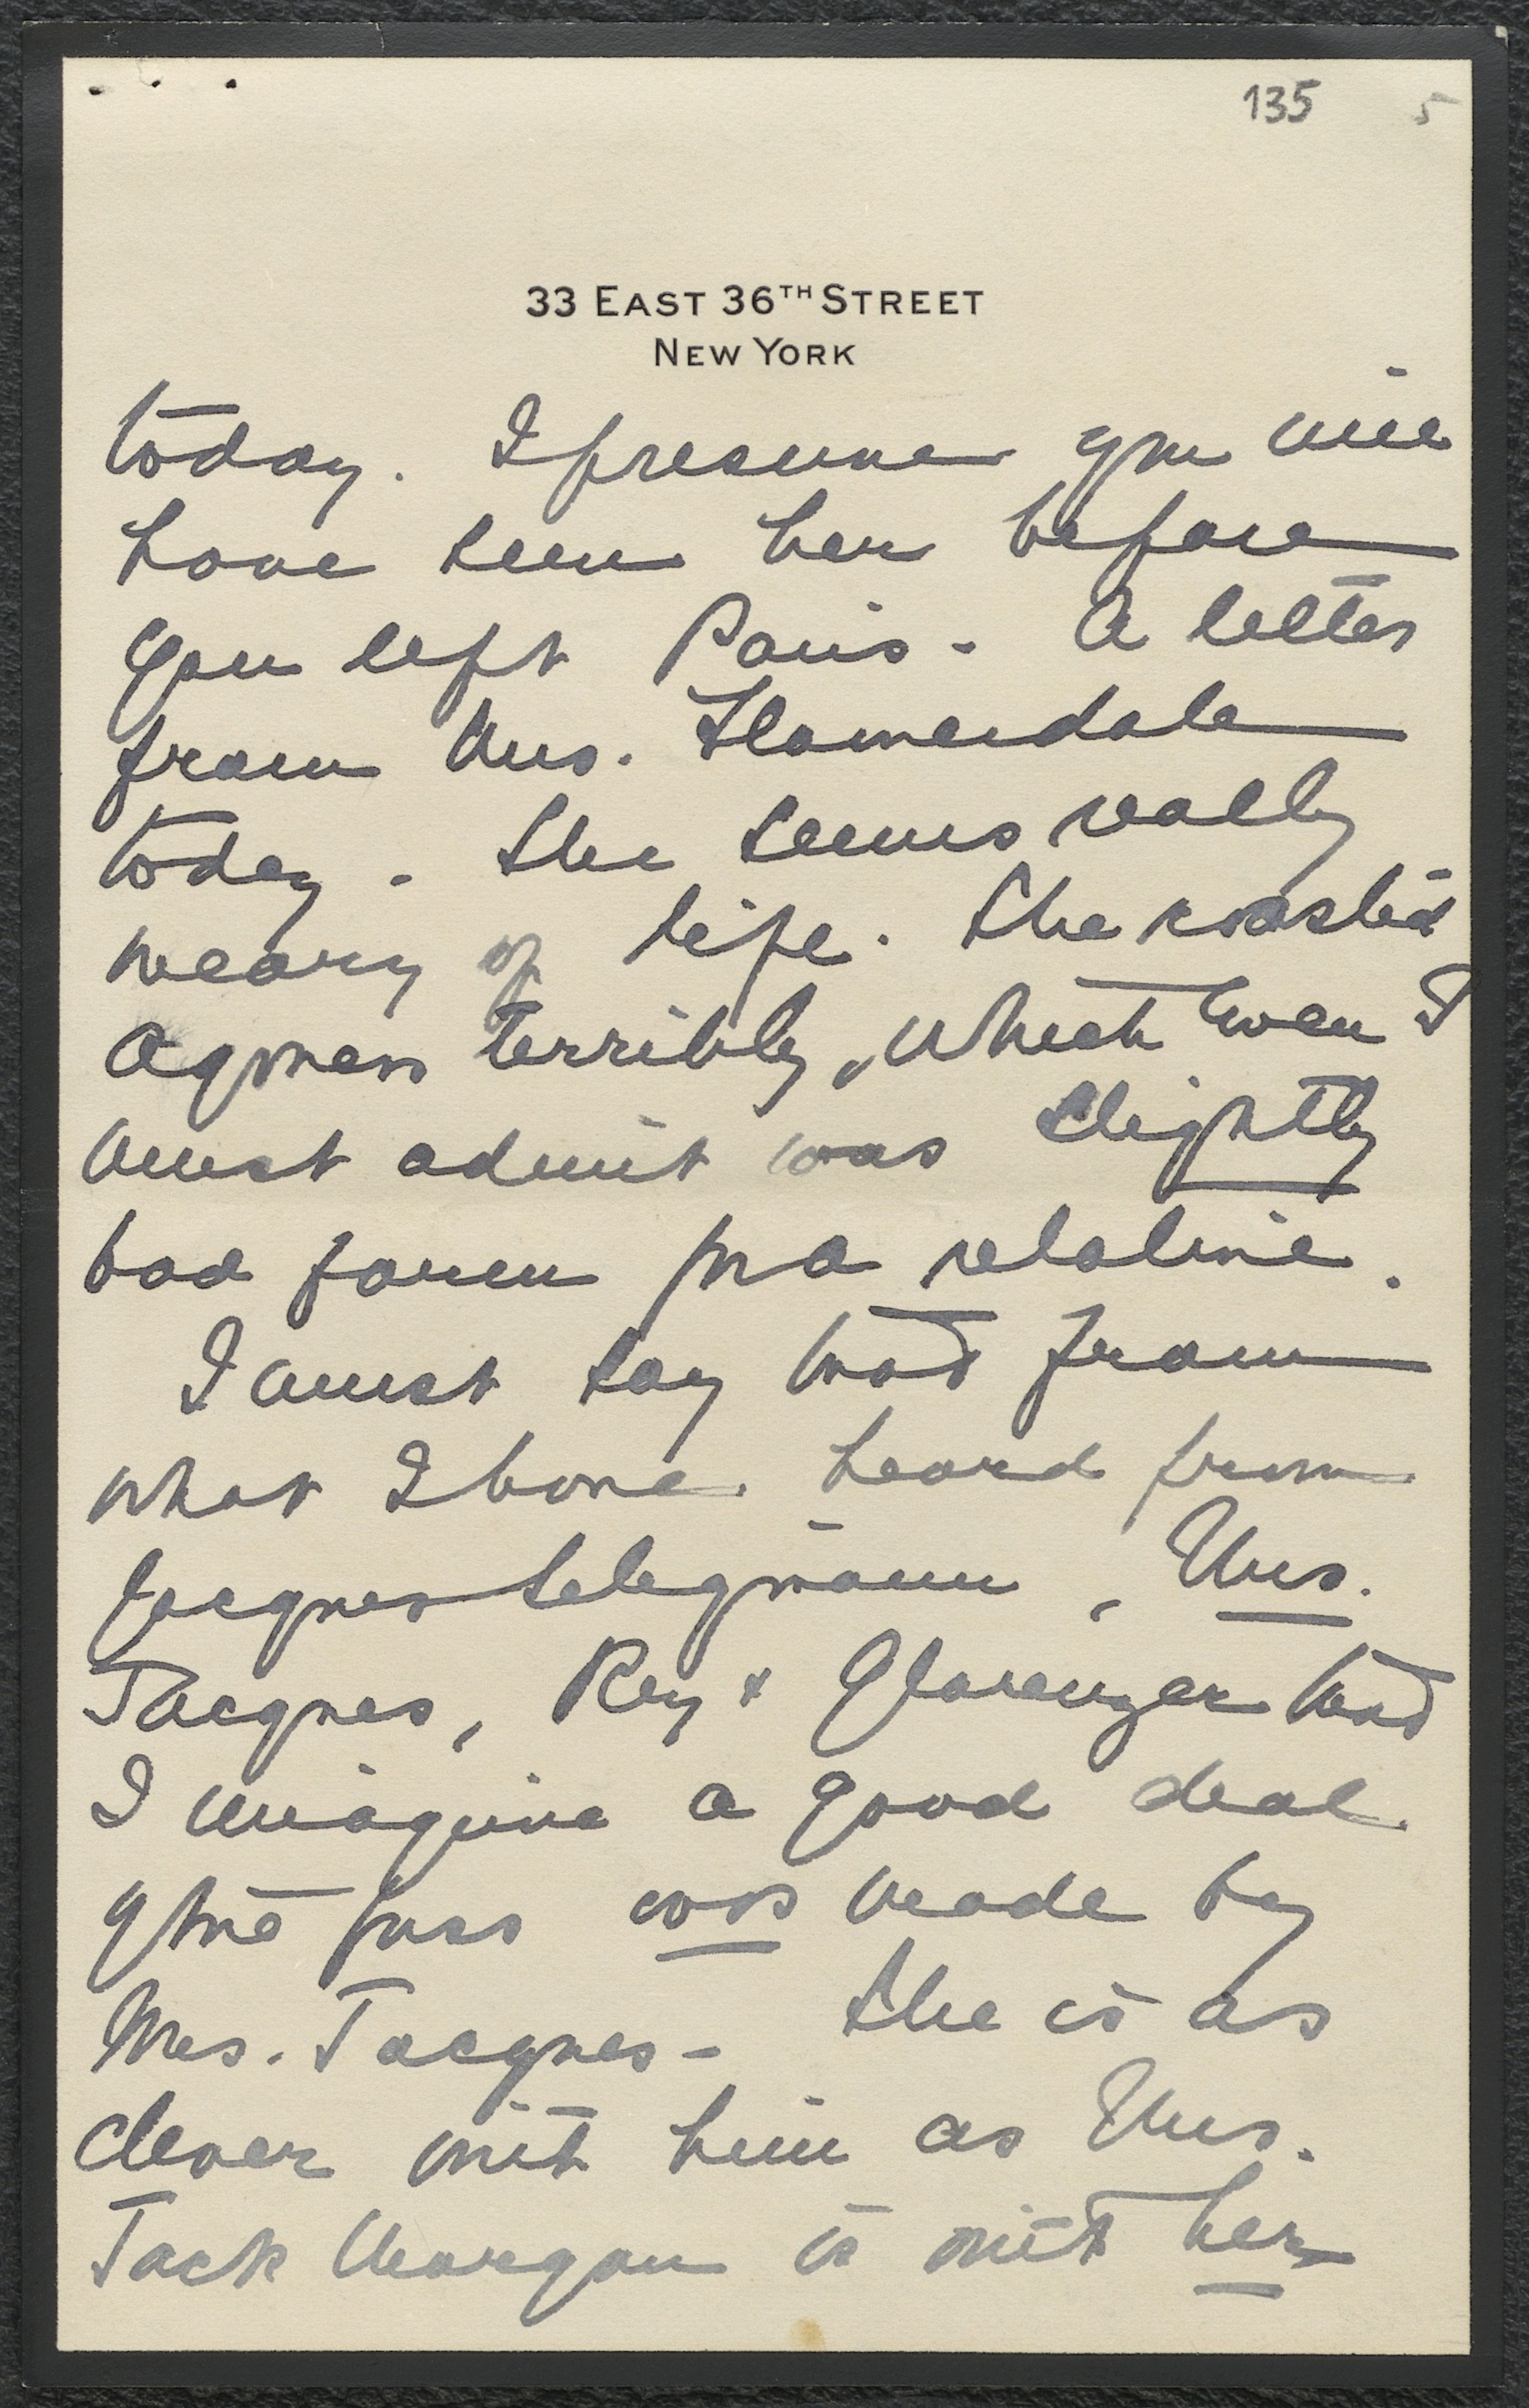today. I presume you will have seen her before you left Paris – a letter from Mrs. Flowerdale today – She seems really weary of life. She roasted Agoness terribly, which even I must admit was slightly bad form for a relative.
I must say that from what I have heard from Jacques Seligmann, Mrs. Jacques, Rey & Glaenzer that I imagine a good deal of the fuss was made by Mrs. Jacques – She is as clever with him as Mrs. Jack Morgan is with her